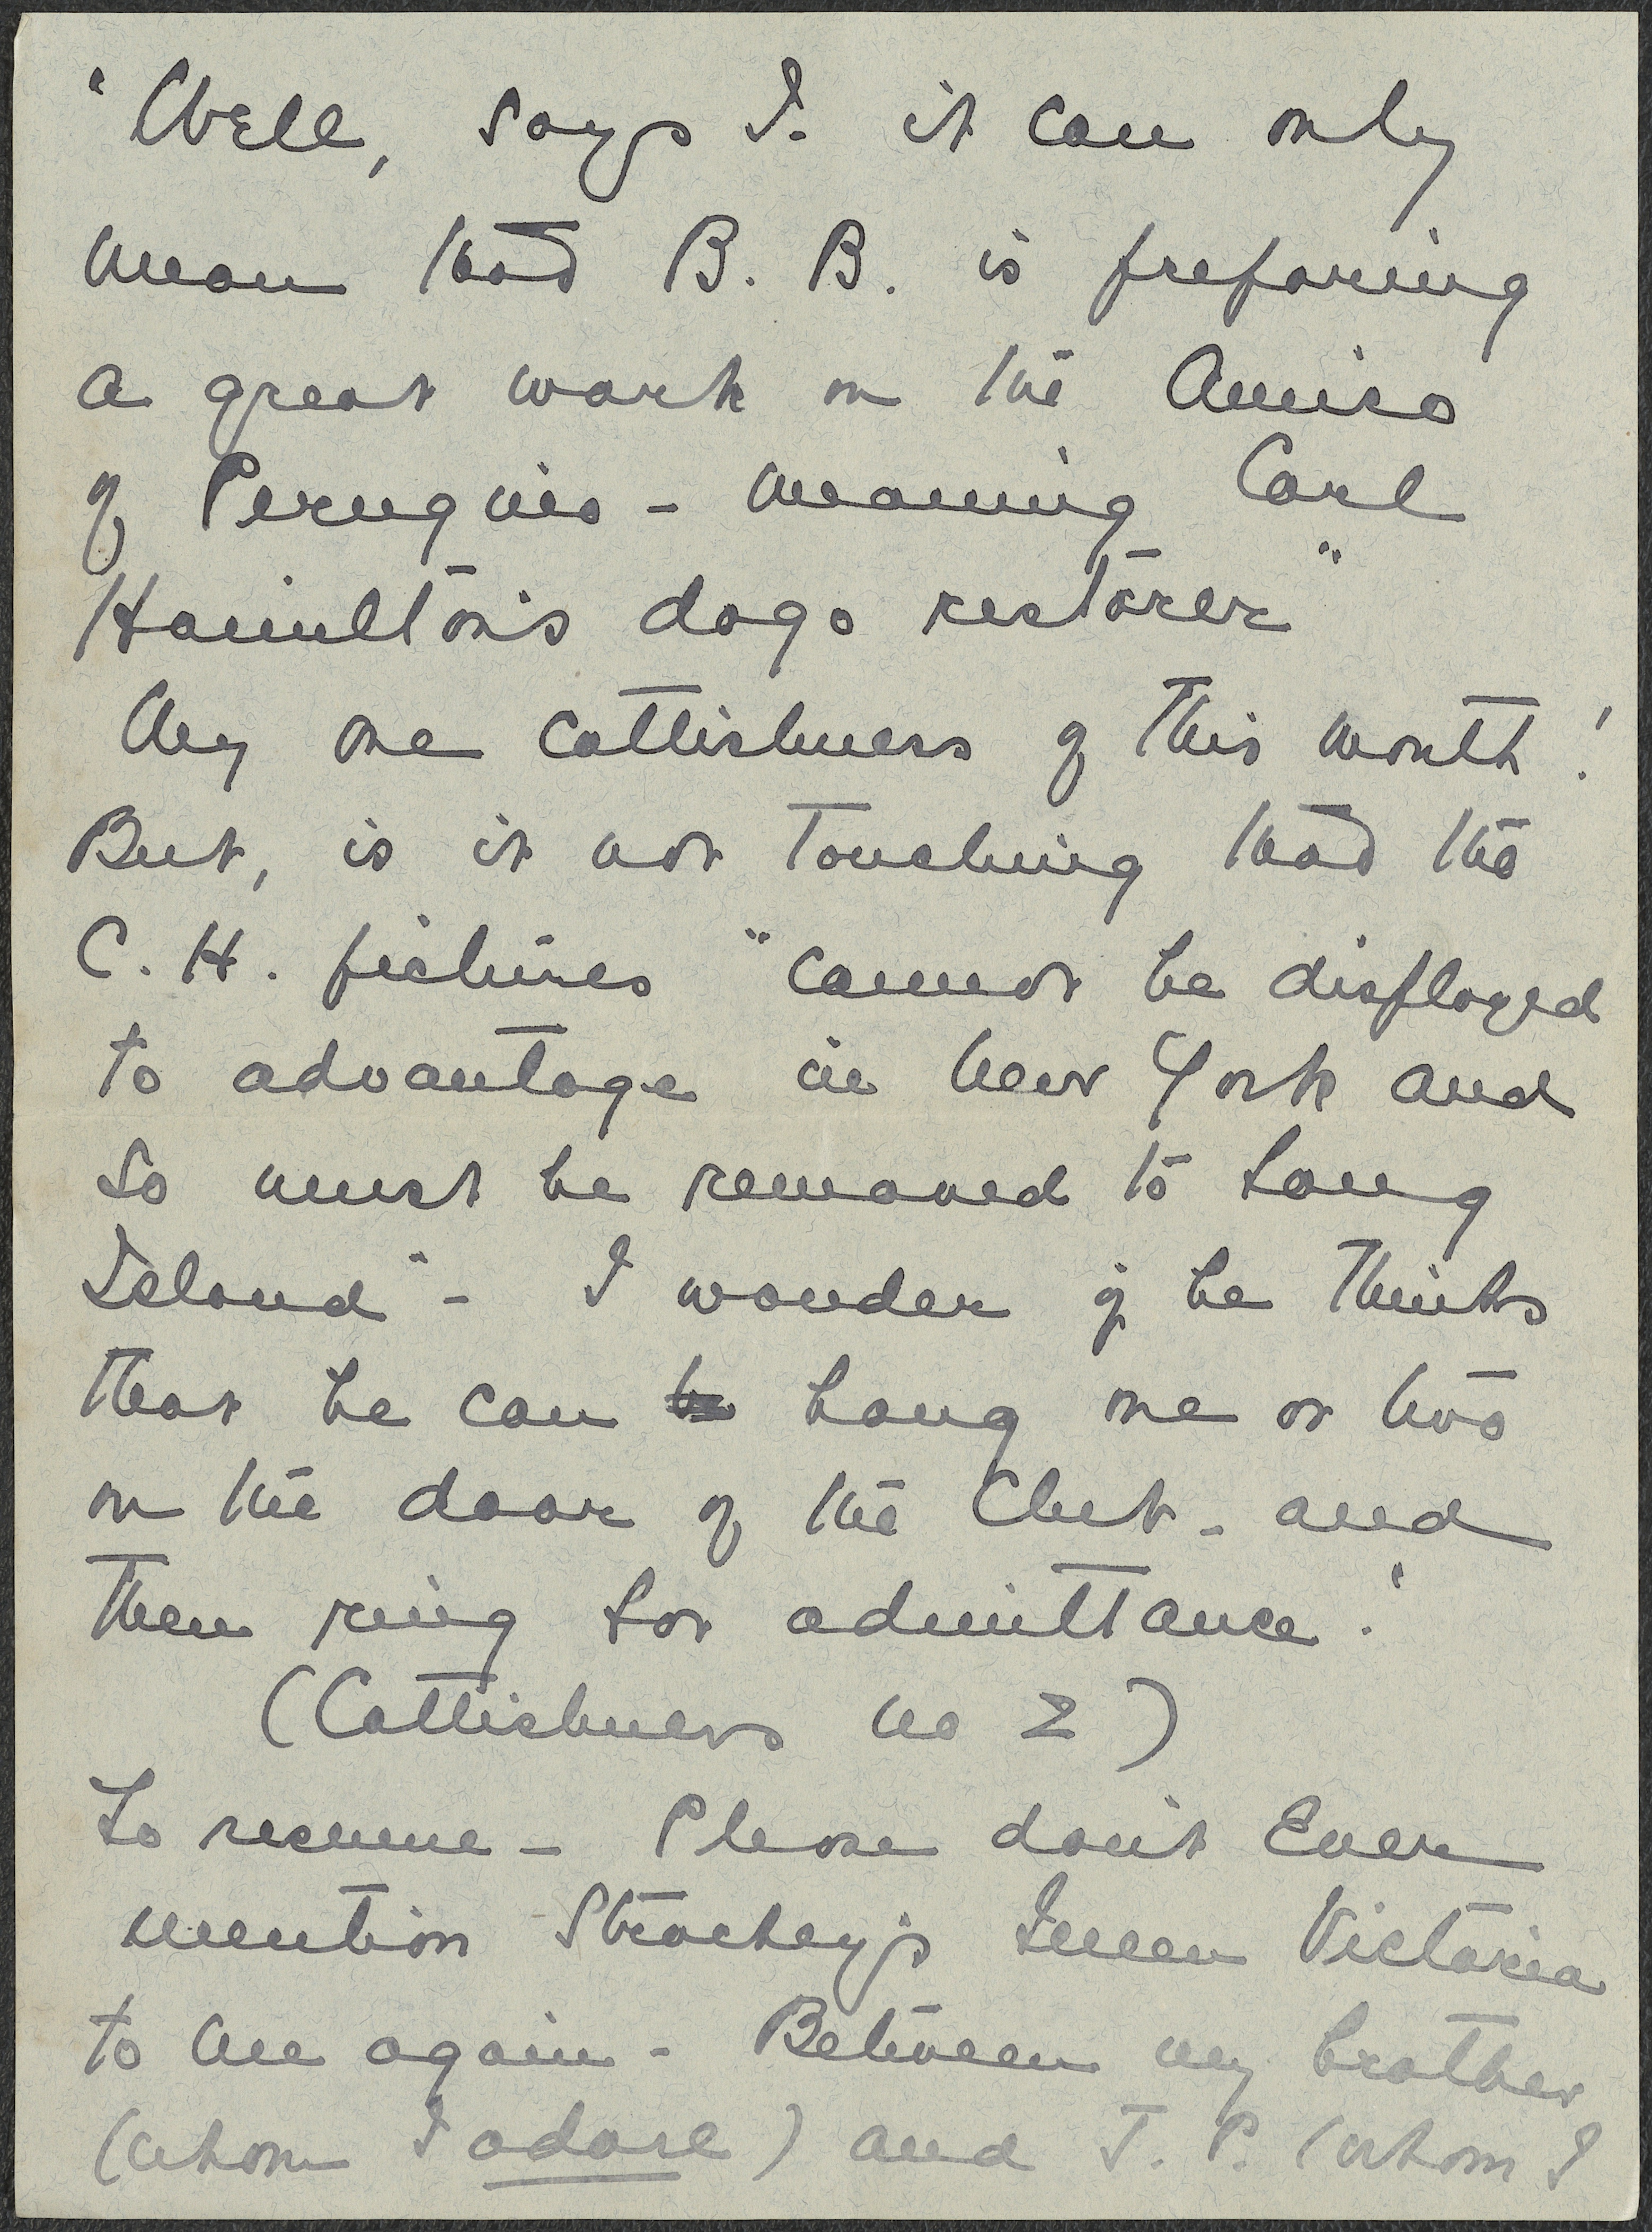“Well, says I. it can only mean that B. B. is preparing a great work on the Amico of Perugino – meaning Carl Hamilton’s dogo restorer”
My one cattishness of this month! But, is it not touching that the C. H. pictures “cannot be displayed to advantage in New York and so must be removed to Long Island” – I wonder if he thinks that he can be hang one or two on the door of the Club – and then right for admittance?
(Cattishness no 2)
To resume – Please don’t even mention Strachey’s Queen Victoria to me again – Between my brother (whom I adore) and J. P. (whom I